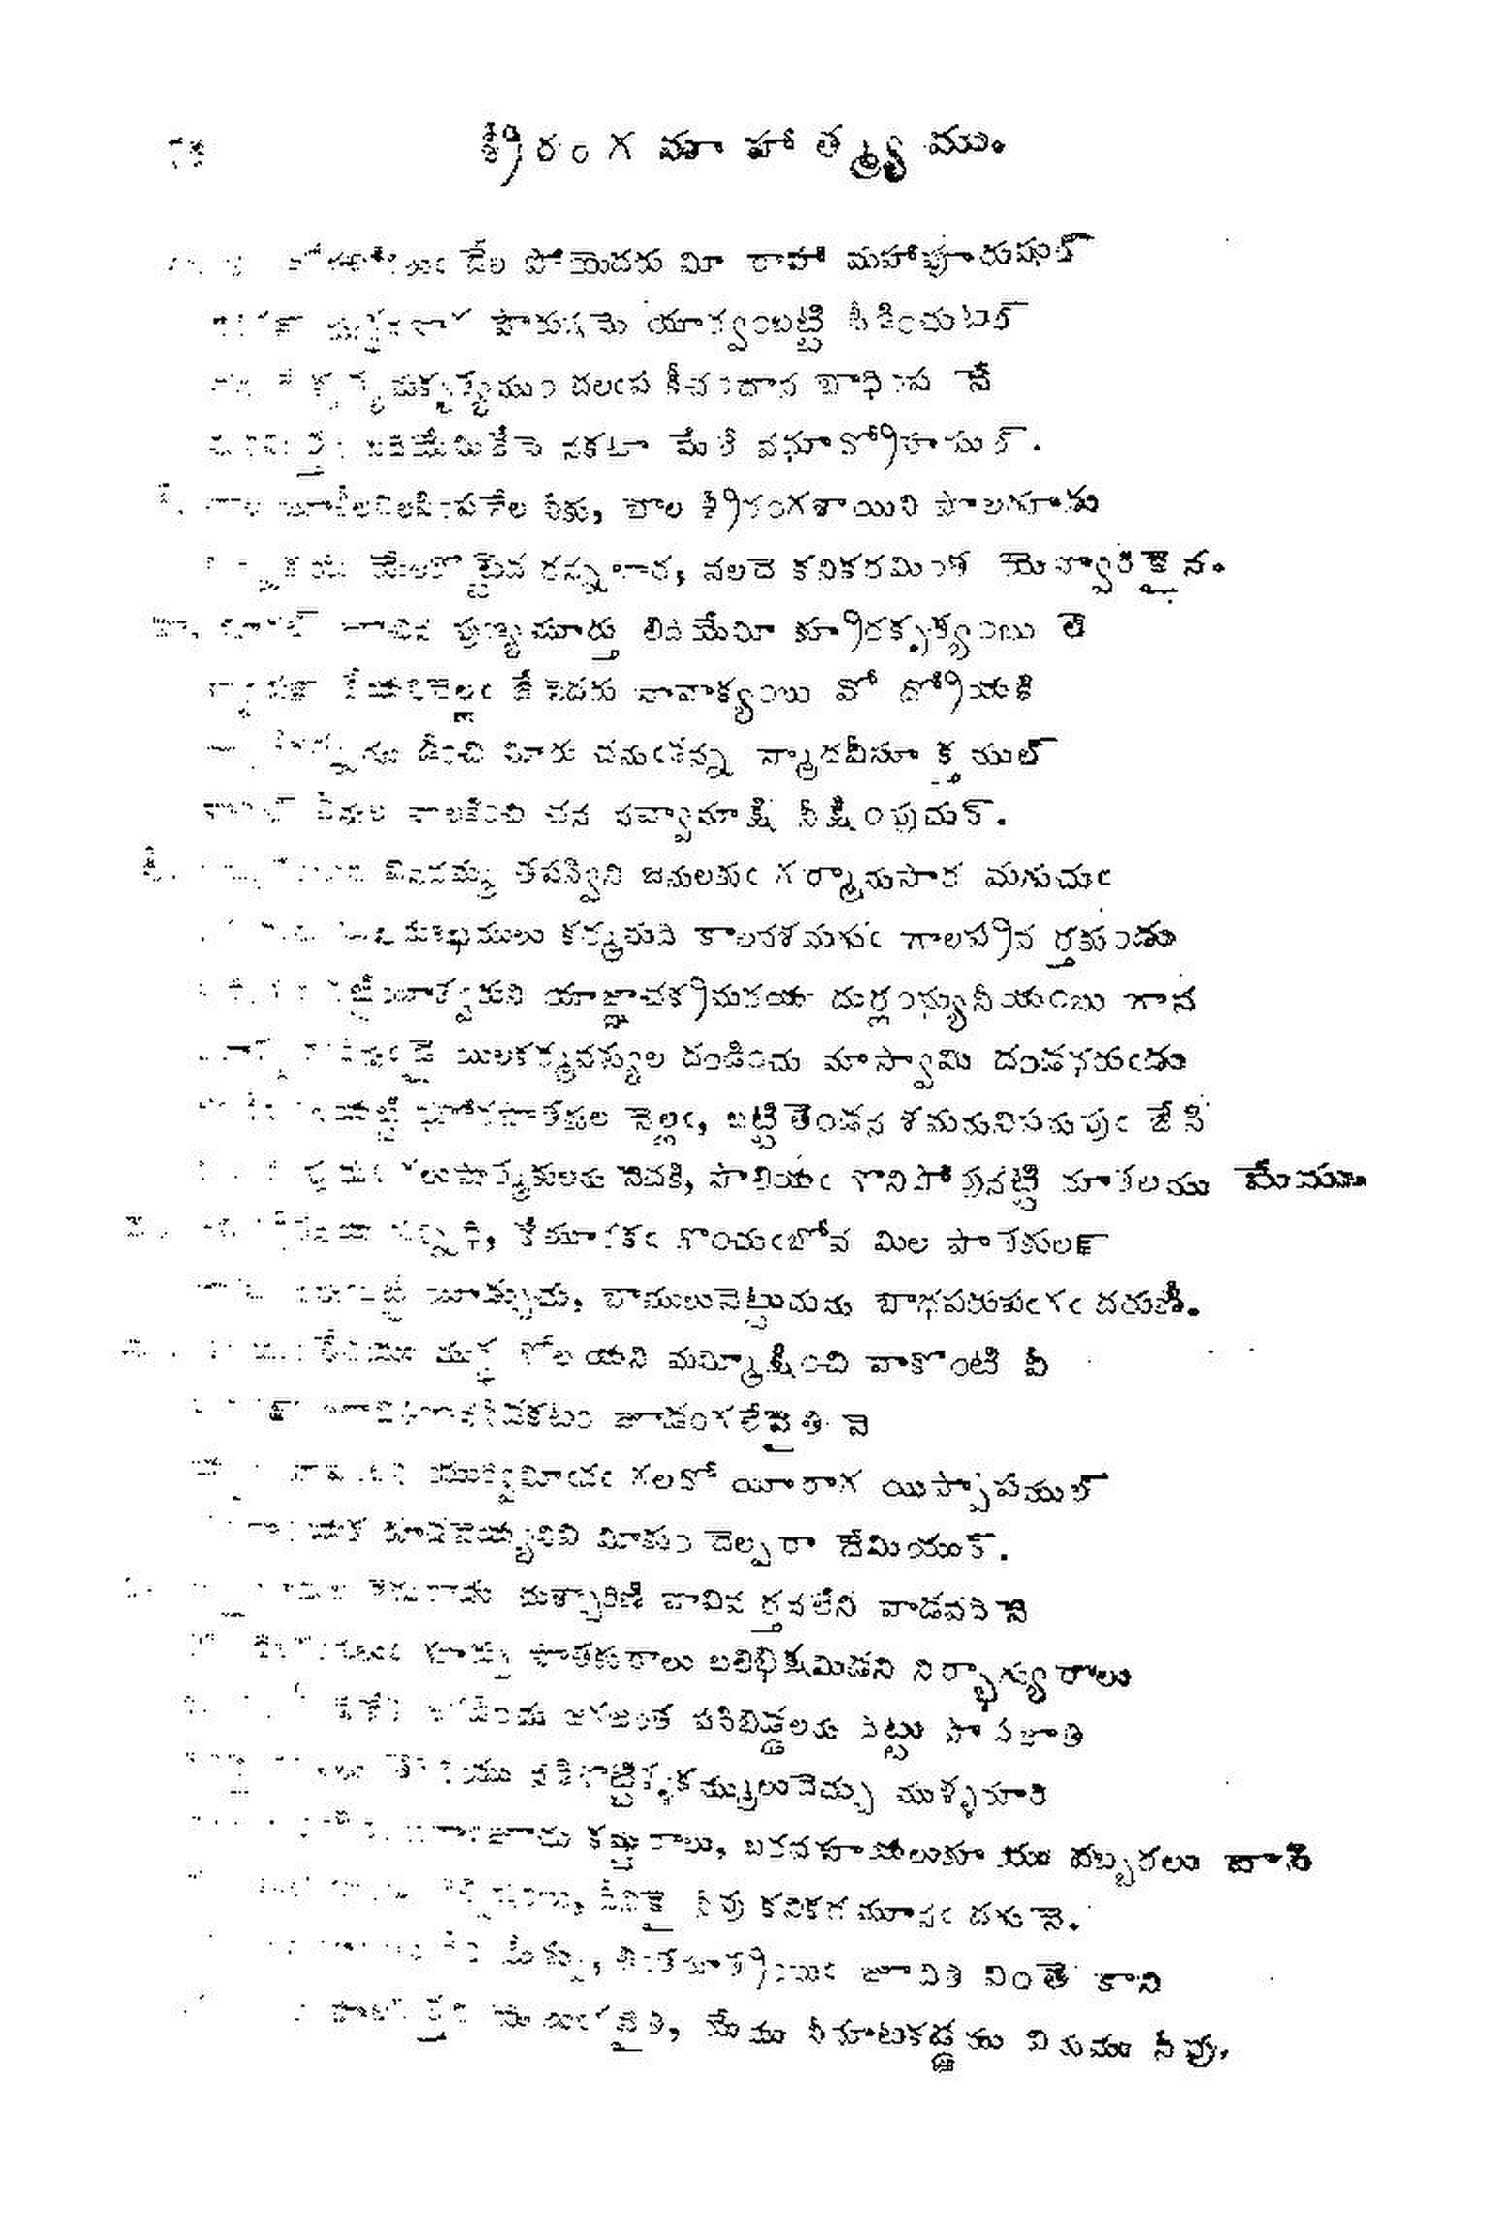మ. అన నోహో నిలుఁ డేల పోయెదరు మీ రాహా మహాపూరుషుల్
 కనినన్ ముగ్ధననాథపౌరుషమె యార్వంబట్టి పీడించుటల్
 చనునే కృత్య మకృత్యము దలఁప కీచందాన బాధింప నే
 మి నిమిత్తమం బది యేమి జేసె నకటా మేలే వధూద్రోహముల్.
తే. బాల యీలీల విలపింపనేల నీకు, బాల శ్రీరంగశాయి నీపాల గూడు
 మిన్నవయు యేలకొట్టెదు రన్నలార, వలదె కనికరమింత యెవ్వారికైన.
శా. మీరల్ జూచిన పుణ్యమూర్తు లిదియేమీ క్రూరకృత్యంబు లె
 వ్వారున్ జేయనివెల్లఁ జేసెదరు నావాక్యంబు వో ద్రోయకి
 న్నారీరత్నము డించి మీరు చనుఁడన్న న్మాధవీసూక్తముల్
 వారల్ వీనుల నాలకించి చన నవ్వామాక్షి వీక్షింపుచున్.
సీ. సమ్మతంబున వినవమ్మ తపస్వినీ జనులకుఁ గర్మానుసార మగుచుఁ
 బొందును సుఖదుఃఖములు కర్మమది కాలవశమగుఁ గాలప్రవర్తకుండు
 సర్వేశుఁ డట్టి యీశ్వరుని యాజ్ఞాచక్రమరయ దుర్లంఘనీయంబు గాన
 యీశ్వరాధీనుఁడై యిల కర్మవశ్యుల దండించు మాస్వామి దండధరుఁడు
 ధరణిగలయట్టి ఘోరపాతకుల నెల్లఁ, బట్టితెండన శమనునిపనుపుఁ జేసి
 నిల జరింపుచుఁ గలుషాత్మకులను వెదకి, పొలియఁ గొనిపోవునట్టి దూతలము మేము.
క. ఆమిత్రితనయుసన్నిధి, కేమూరకఁ గొంచుఁబోవ మిల పాతకులన్
 దామేనను బట్టి యీడ్చుచు, బాములు వెట్టుచును బాధపరుపఁగఁ దరుణీ.
మ. ఇల యెంతేనియు ముగ్ధగోల యని మమ్మీక్షించి వాకొంటి వీ
 సుదతిన్ జూచితిగాన నీడకలున్ జూడంగలేవైతి వె
 య్యది పాపంబని యుర్విమీఁదఁ గలదో యీరాగ యిప్పాపముల్
 కెందగానియ్యక కూడవెయ్యనివి మీకుం దెల్పరా దేమియున్.
సీ. అత్తమామల కెదురాడు దుశ్చారిణి వావివర్తనలేని వాడవదినె
 కొండేలుఁ గంపలు గూర్చు పాతకురాలు బలిభిక్షమిడని నిర్భాగ్యురాలు
 మగనితో యేవేళ జగడించు జగజంత పసిబిడ్డలను దిట్టు పాపజాతి
 దీనికై బాసలు తెగిసేయు నడిగొట్టు ఛుళ్ళకమ్ములు దెచ్చు ముళ్ళమారి
 కాము ప్రాణంబుగాఁ జూచు కష్టురాలు, బరవకూతలు కూయు దబ్బరలు రోసి
 కెలనిమేలు సవారింపని కిల్బిషంబు, దీనికై నీవు కనికర మూనఁ దగునె.
గీ. దీనిసేతలు కూతలు దీనియేడ్పు, లింతమాత్రంబుఁ జూచితి వింతె గాని
 యెంతవినపాలవిత్తని యెఱుఁగవైతి, యేము నీమాటకడ్డము వినుము నీవు.